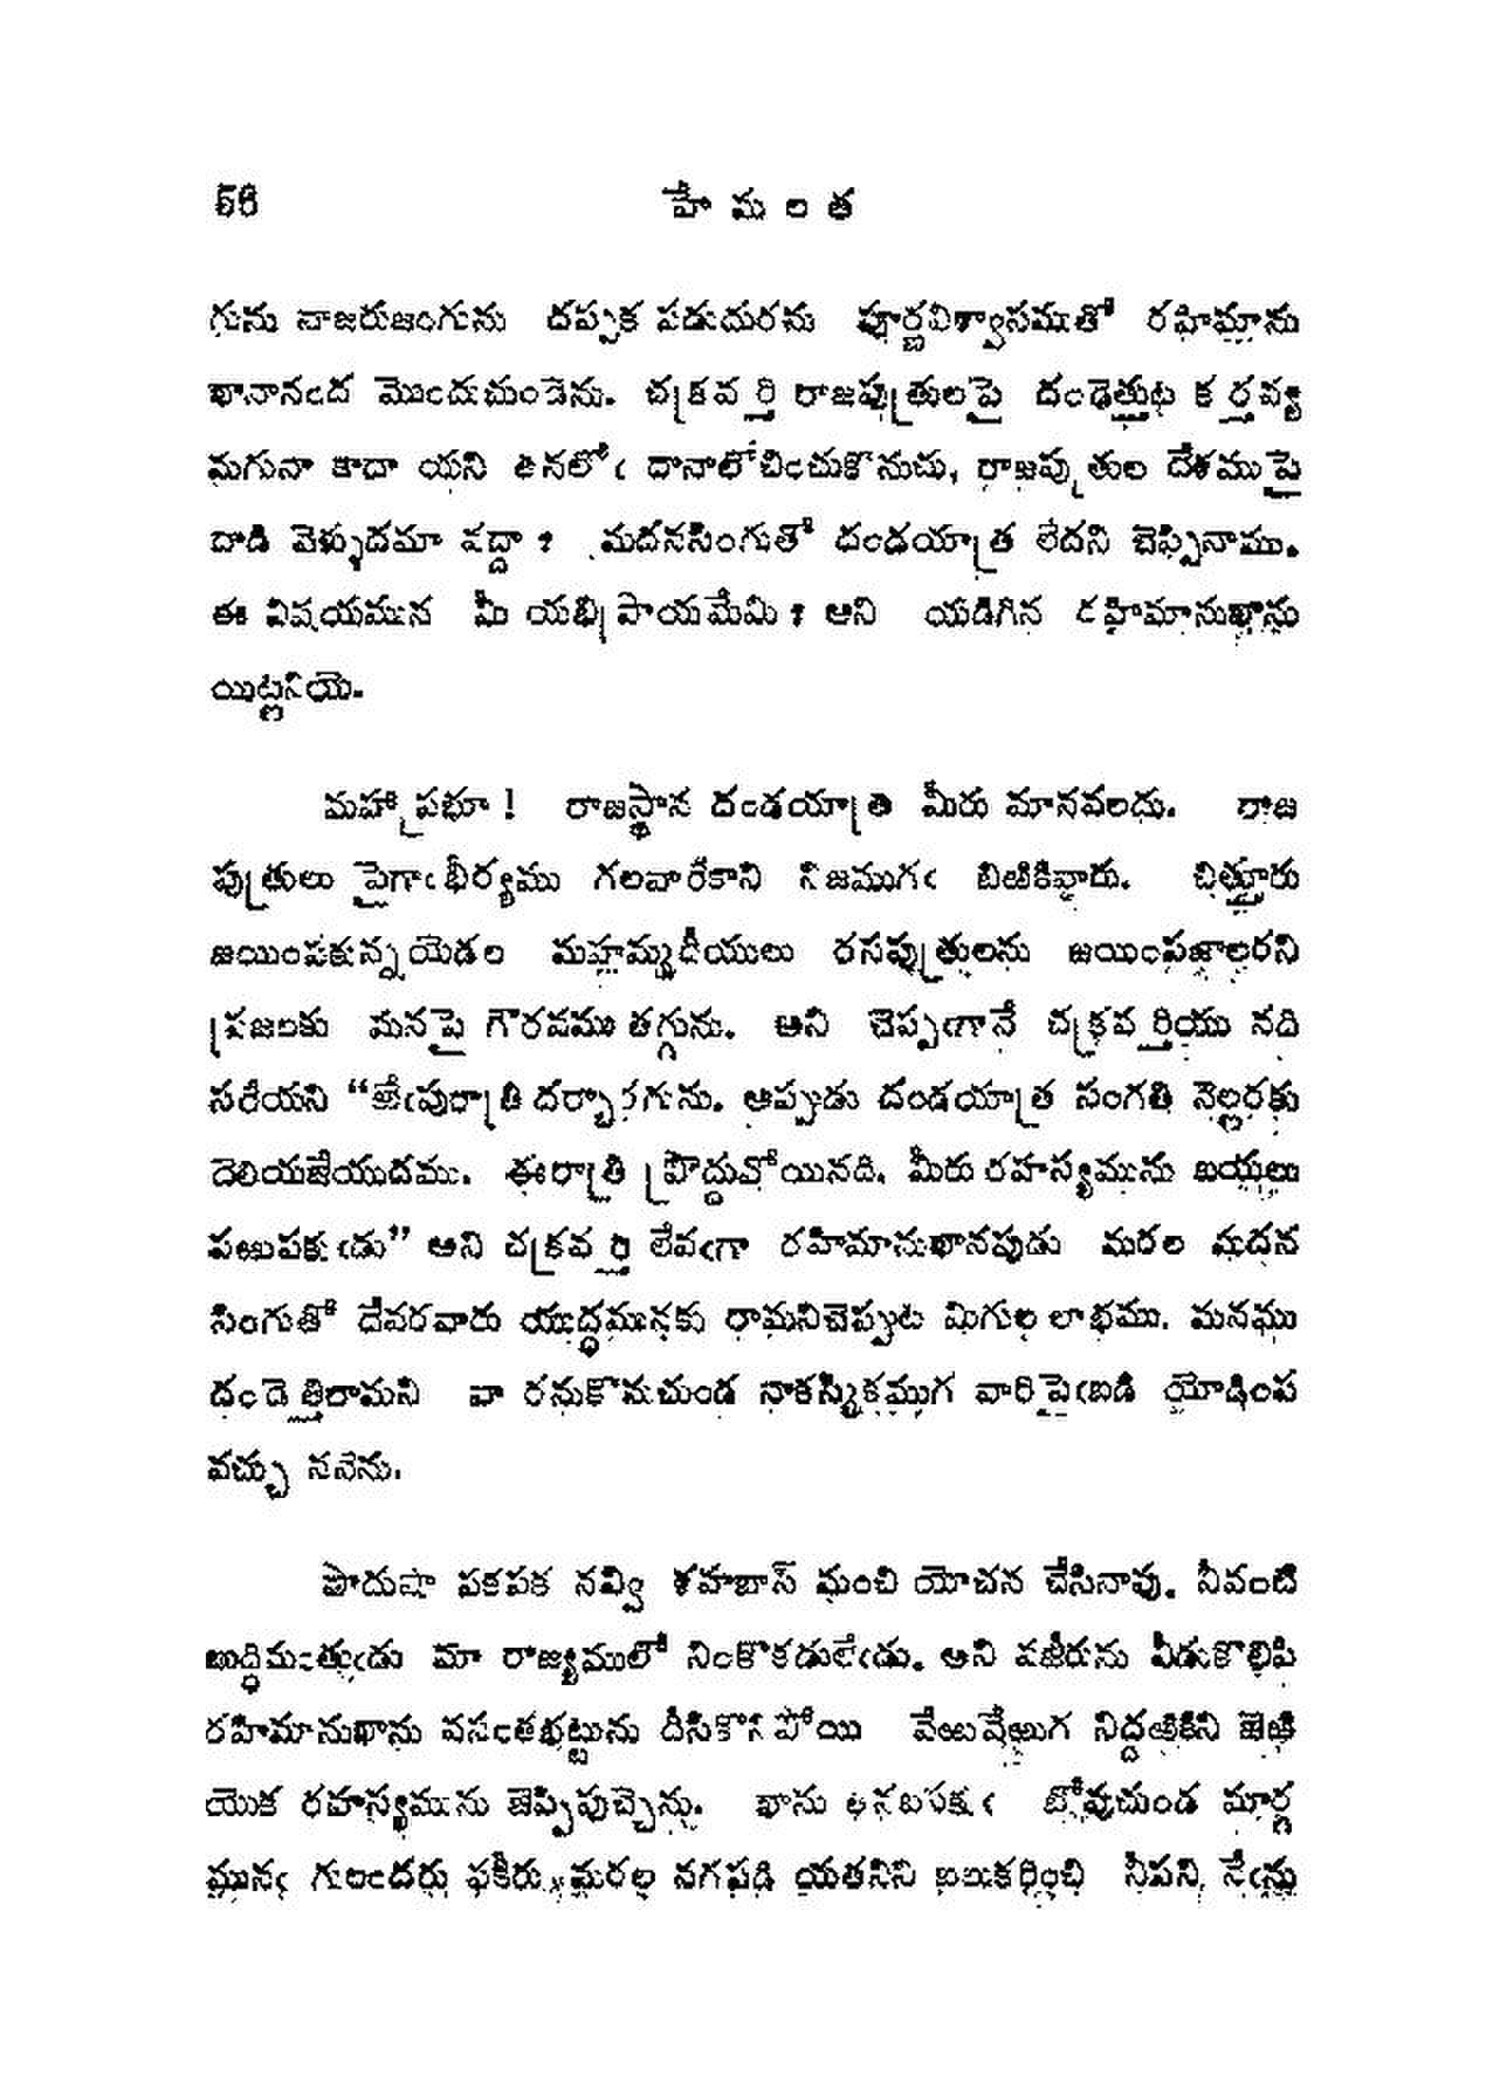గును నాజరుజంగును దప్పక పడుదురను పూర్ణవిశ్వాసముతో రహిమాను ఖానానంద మొందుచుండెను. చక్రవర్తి రాజపుత్రులపై దండెత్తుట కర్తవ్యమగునా కాదా యని తనలోఁ దానాలోచించు కొనుచు, రాజపుత్రుల దేశముపై దాడి వెళ్ళుదమా వద్దా? మదనసింగుతో దండయాత్ర లేదని చెప్పినాము. ఈ విషయమున మీ యభిప్రాయమేమి? అని యడిగిన రహిమానుఖాను యిట్లనియె.

మహాప్రభూ! రాజస్థాన దండయాత్ర మీరు మానవలదు. రాజపుత్రులు పైగాంభీర్యము గలవారేకాని నిజముగఁ బిఱికివారు. చిత్తూరు జయింపకున్నయెడల మహమ్మదీయులు రసపుత్రులను జయింపజాలరని ప్రజలకు మనపై గౌరవము తగ్గును. అని చెప్పఁగానే చక్రవర్తియు నది సరేయని “ఱేఁపురాత్రి దర్బారగును. అప్పుడు దండయాత్ర సంగతి నెల్లరకు దెలియజేయుదము. ఈరాత్రి ప్రొద్దువోయినది. మీరు రహస్యమును బయట పఱుపకుఁడు” అని చక్రవర్తి లేవఁగా రహిమానుఖానపుడు మరల మదనసింగుతో దేవరవారు యుద్ధమునకు రామనిజెప్పుట మిగుల లాభము. మనము దండెత్తిరామని వారనుకొనుచుండ నాకస్మికముగ వారిపైఁబడి యోడించ వచ్చుననెను.

పాదుషా పకపక నవ్వి శహాబాస్ మంచి యోచన చేసినావు. నీవంటి బుద్ధిమంతుఁడు మా రాజ్యములో నింకొకడులేఁడు. అని వజీరును వీడుకొలిపి రహిమానుఖాను వసంతభట్టును దీసికొనిపోయి వేఱువేఱుగ నిద్దఱికిని జెఱియొక రహస్యమును జెప్పిపుచ్చెను. ఖాను తనబసకుఁ బోవుచుండ మార్గమున గులందరు ఫకీరు మరల నగపడి యతనిని బలుకరించి నీపని నేఁను